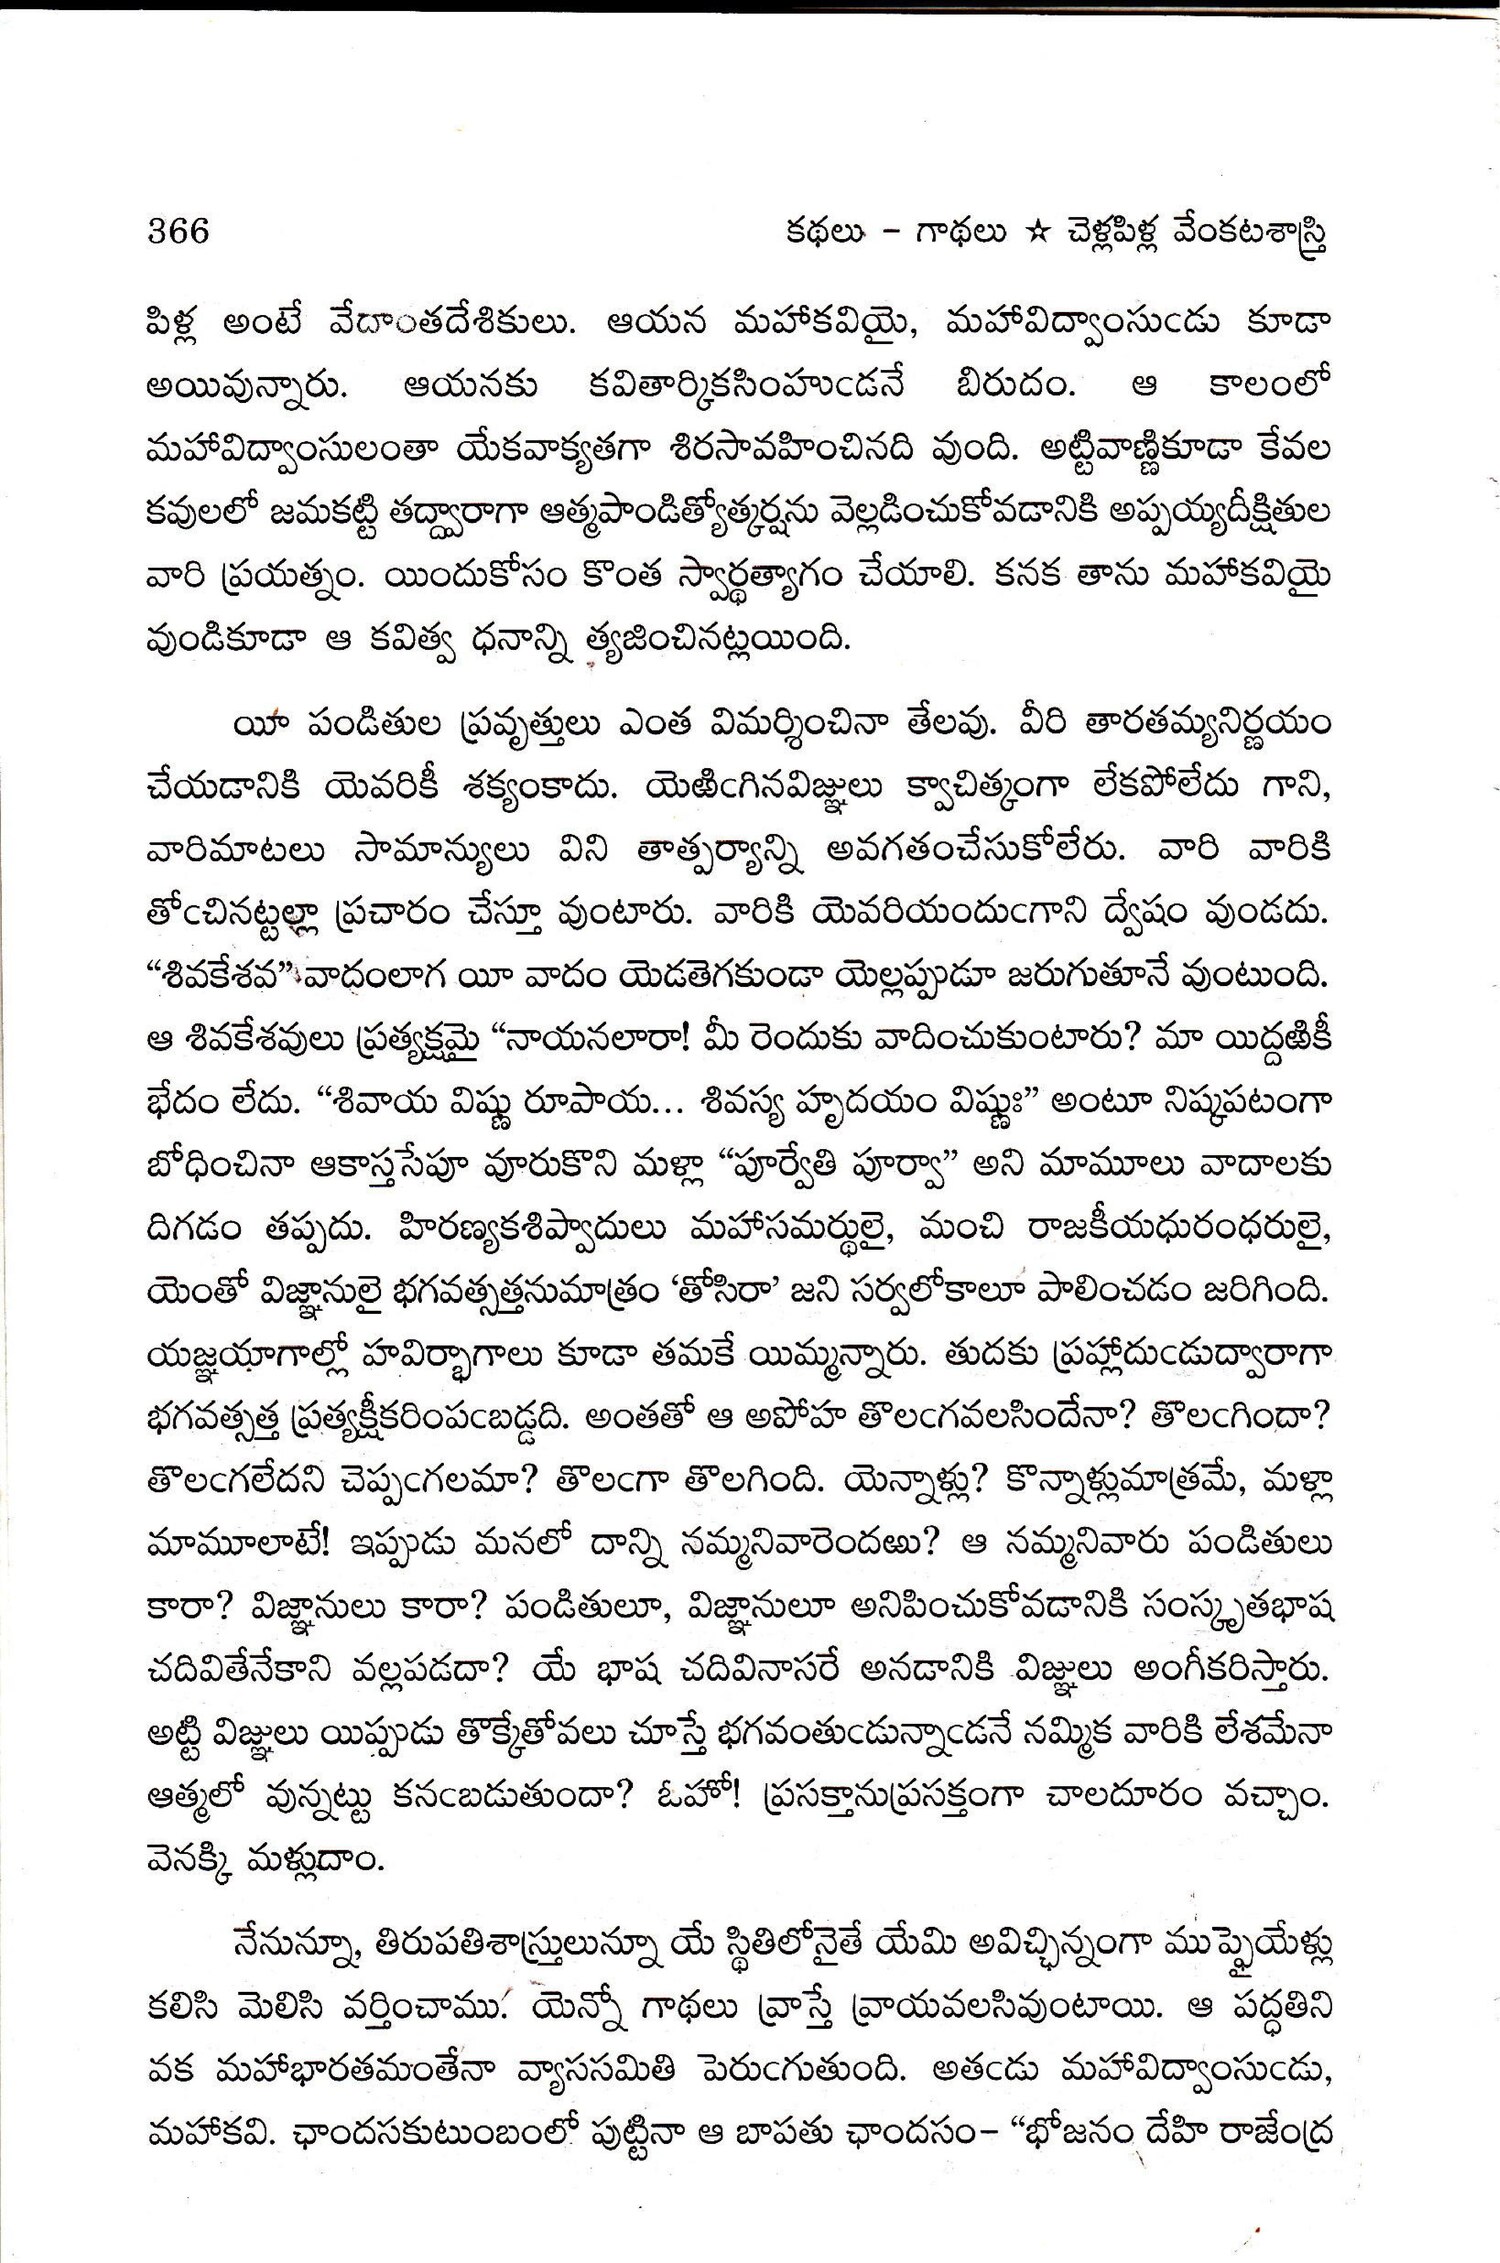పిళ్ల అంటే వేదాంతదేశికులు. ఆయన మహాకవియై, మహావిద్వాంసుఁడు కూడా అయివున్నారు. ఆయనకు కవితార్మికసింహుఁడనే బిరుదం. ఆ కాలంలో మహావిద్వాంసులంతా యేకవాక్యతగా శిరసావహించినది వుంది. అట్టివాణ్ణికూడా కేవల కవులలో జమకట్టి తద్ద్వారాగా ఆత్మపాండిత్యోత్కర్షను వెల్లడించుకోవడానికి అప్పయ్యదీక్షితుల వారి ప్రయత్నం. యిందుకోసం కొంత స్వార్ధత్యాగం చేయాలి. కనక తాను మహాకవియై వుండికూడా ఆ కవిత్వ ధనాన్ని త్యజించినట్లయింది.

యీ పండితుల ప్రవృత్తులు ఎంత విమర్శించినా తేలవు. వీరి తారతమ్యనిర్ణయం చేయడానికి యెవరికీ శక్యంకాదు. యెఱిఁగినవిజ్ఞులు క్వాచితంగా లేకపోలేదు గాని, వారిమాటలు సామాన్యులు విని తాత్పర్యాన్ని అవగతంచేసుకోలేరు. వారి వారికి తోఁచినట్టల్లా ప్రచారం చేస్తూ వుంటారు. వారికి యెవరియందుఁగాని ద్వేషం వుండదు. “శివకేశవ"వాదంలాగ యీ వాదం యెడతెగకుండా యెల్లప్పుడూ జరుగుతూనే వుంటుంది. ఆ శివకేశవులు ప్రత్యక్షమై "నాయనలారా! మీ రెందుకు వాదించుకుంటారు? మా యిద్దఱికీ భేదం లేదు. “శివాయ విష్ణు రూపాయ... శివస్య హృదయం విష్ణుః" అంటూ నిష్కపటంగా బోధించినా ఆకాస్తసేపూ వూరుకొని మళ్లా “పూర్వేతి పూర్వా” అని మామూలు వాదాలకు దిగడం తప్పదు. హిరణ్యకశిప్వాదులు మహాసమర్దులై, మంచి రాజకీయధురంధరులై, యెంతో విజ్ఞానులై భగవత్సత్తనుమాత్రం 'తోసిరా' జని సర్వలోకాలూ పాలించడం జరిగింది. యజ్ఞయాగాల్లో హవిర్భాగాలు కూడా తమకే యిమ్మన్నారు. తుదకు ప్రహ్లాదుఁడుద్వారాగా భగవత్పత్త ప్రత్యక్షీకరింపఁబడ్డది. అంతతో ఆ అపోహ తొలఁగవలసిందేనా? తొలఁగిందా? తొలఁగలేదని చెప్పఁగలమా? తొలఁగా తొలగింది. యెన్నాళ్లు? కొన్నాళ్లుమాత్రమే, మళ్లా మామూలాటే! ఇప్పుడు మనలో దాన్ని నమ్మనివారెందఱు? ఆ నమ్మనివారు పండితులు కారా? విజ్ఞానులు కారా? పండితులూ, విజ్ఞానులూ అనిపించుకోవడానికి సంస్కృతభాష చదివితేనేకాని వల్లపడదా? యే భాష చదివినాసరే అనడానికి విజ్ఞులు అంగీకరిస్తారు. అట్టి విజ్ఞులు యిప్పుడు తొక్కేతోవలు చూస్తే భగవంతుఁడున్నాఁడనే నమ్మిక వారికి లేశమేనా ఆత్మలో వున్నట్టు కనఁబడుతుందా? ఓహో! ప్రసక్తానుప్రసక్తంగా చాలదూరం వచ్చాం. వెనక్కి మళ్లదాం.

నేనున్నూ తిరుపతిశాస్త్రులున్నూయే స్థితిలోనైతే యేమి అవిచ్ఛిన్నంగా ముఫ్ఫైయేళ్లు కలిసి మెలిసి వర్తించాము. యెన్నో గాథలు వ్రాస్తే వ్రాయవలసివుంటాయి. ఆ పద్ధతిని వక మహాభారతమంతేనా వ్యాససమితి పెరుఁగుతుంది. అతఁడు మహావిద్వాంసుఁడు, మహాకవి. ఛాందసకుటుంబంలో పుట్టినా ఆ బాపతు ఛాందసం- “భోజనం దేహి రాజేంద్ర